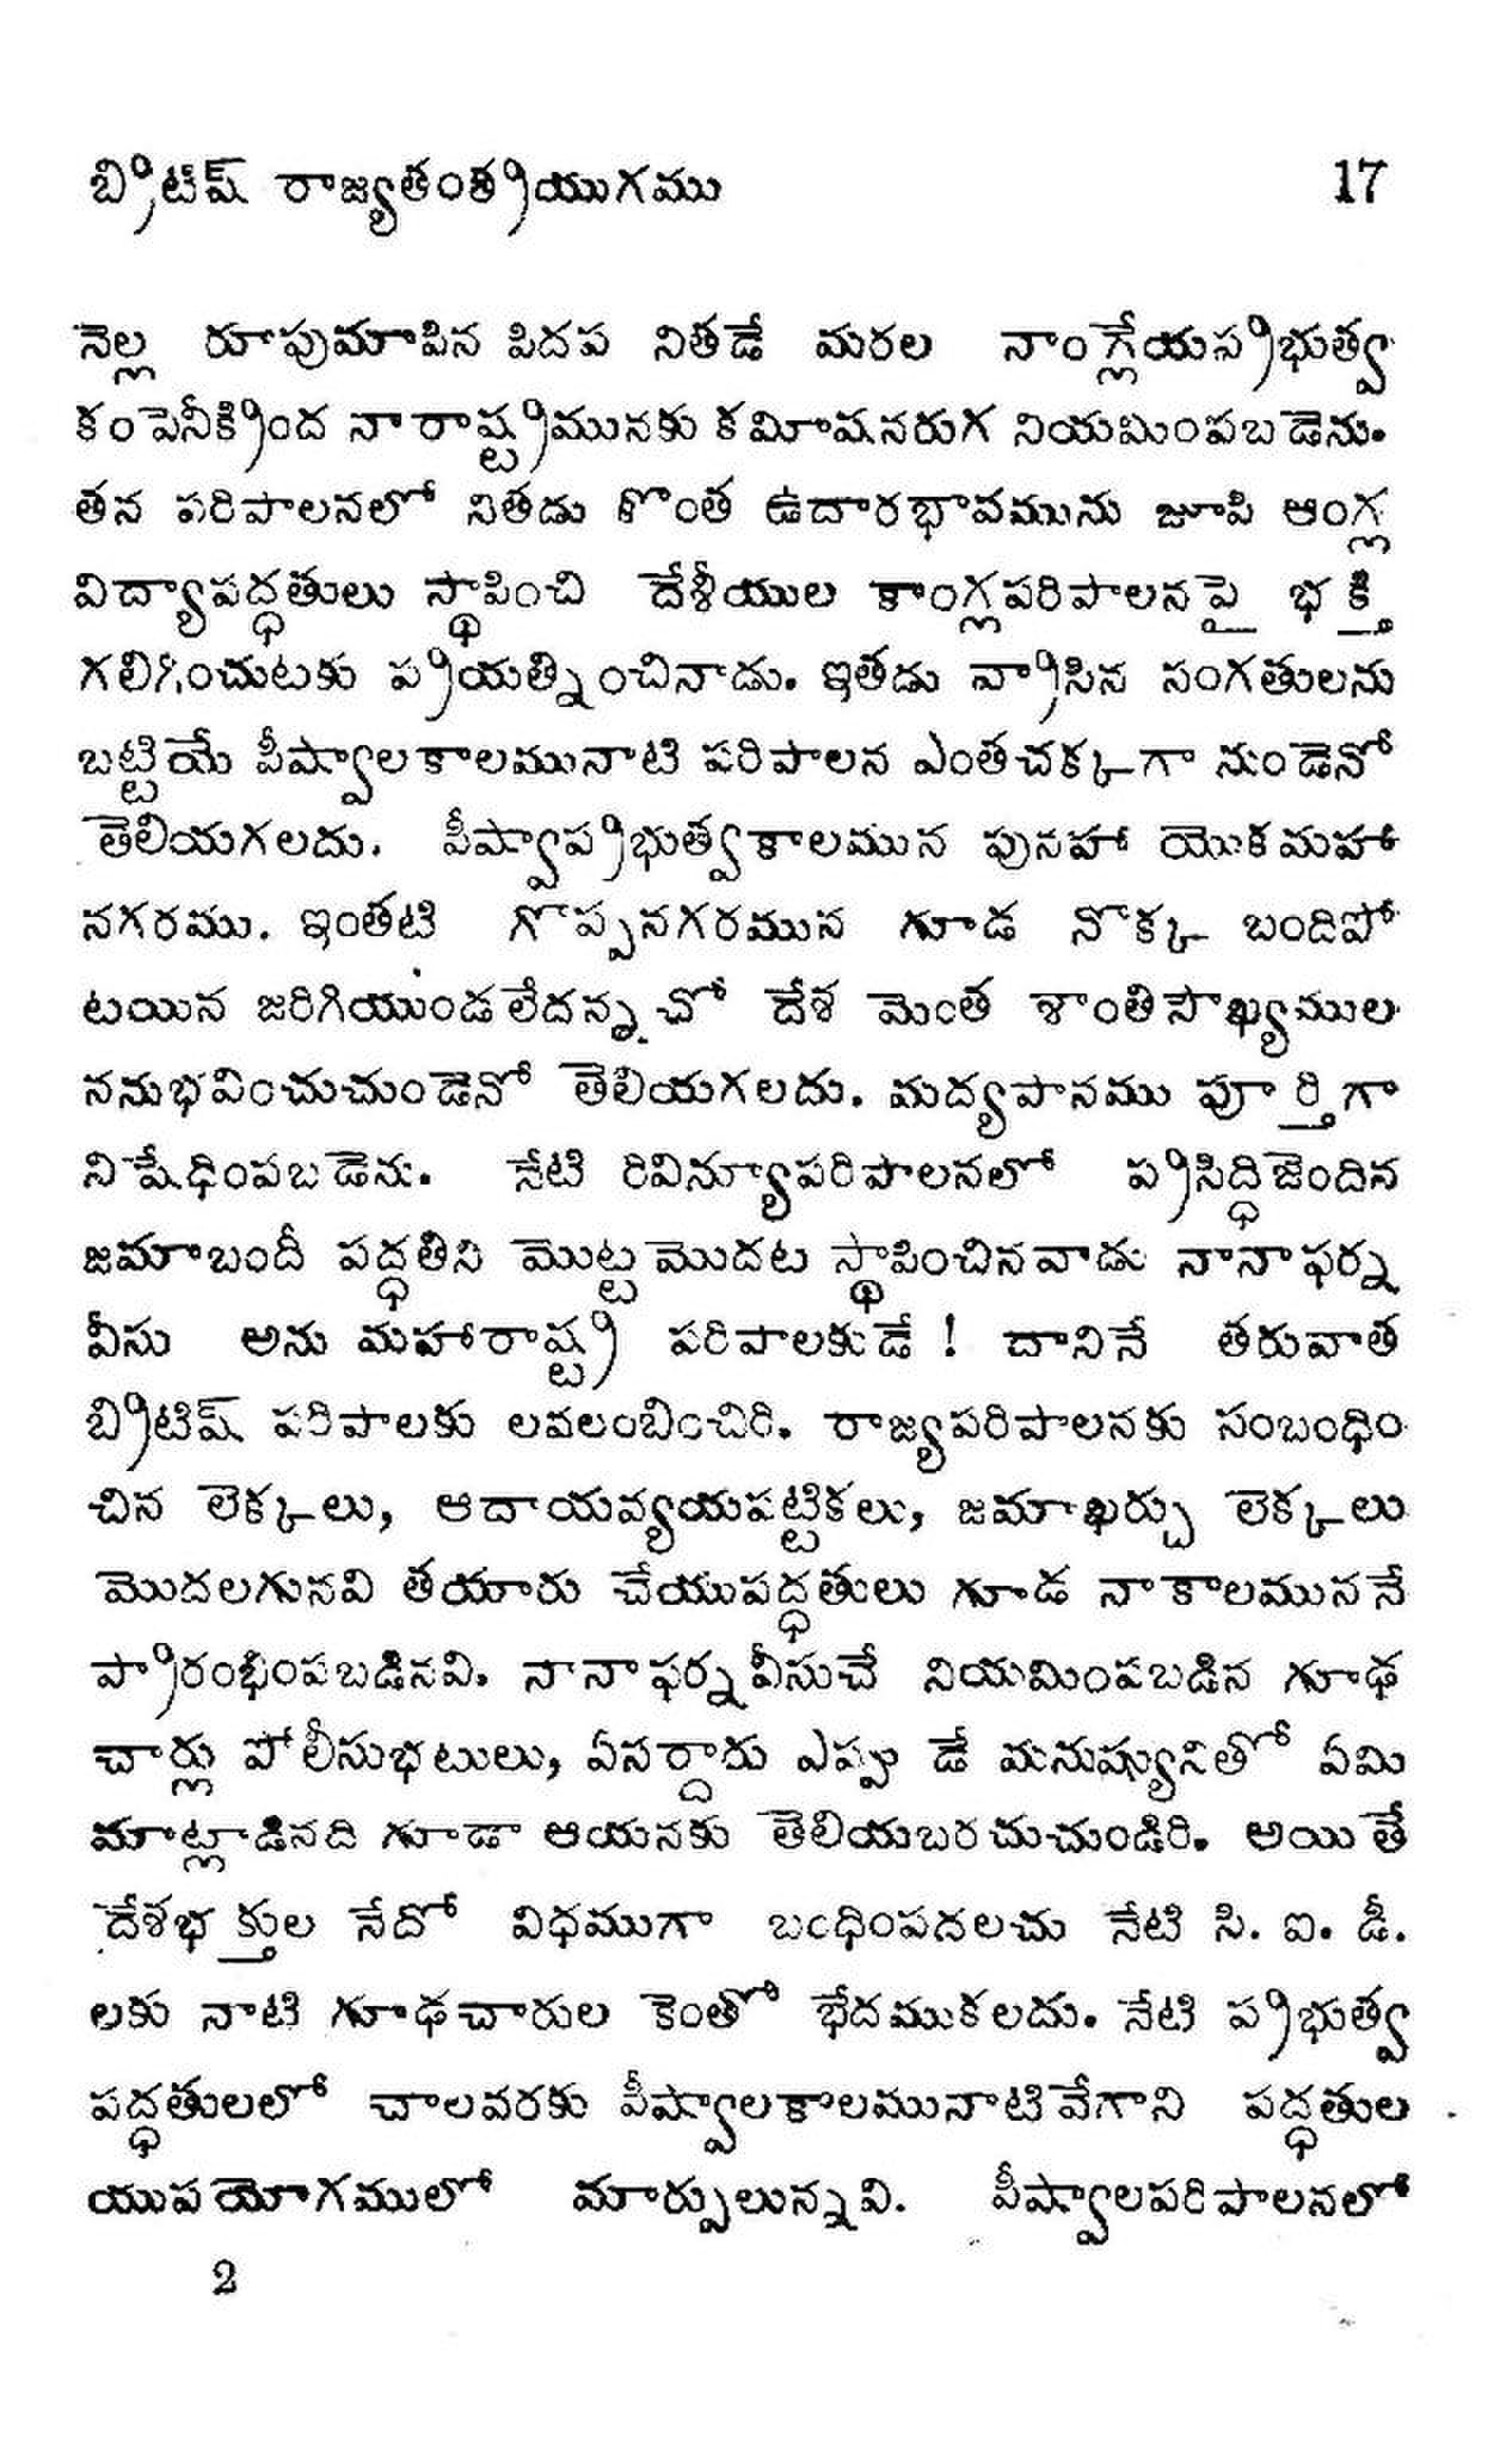నెల్ల రూపుమాపిన పిదప నితడే మరల నాంగ్లేయప్రభుత్వ కంపెనీక్రింద నారాష్ట్రమునకు కమీషనరుగ నియమింపబడెను. తన పరిపాలనలో నితడు కొంత ఉదారభావమును జూపి ఆంగ్ల విద్యాపద్ధతులు స్థాపించి దేశీయుల కాంగ్లపరిపాలనపై భక్తి గలిగించుటకు ప్రయత్నించినాడు. ఇతడు వ్రాసిన సంగతులను బట్టియే పీష్వాలకాలమునాటి పరిపాలన ఎంతచక్కగా నుండెనో తెలియగలదు. పీష్వాప్రభుత్వ కాలమున పుసహా యొకమహానగరము. ఇంతటి గొప్పనగరమున గూడ నొక్క బందిపోటయిన జరిగియుండలేదన్నచో దేశ మెంత శాంతిసౌఖ్యముల ననుభవించుచుండెనో తెలియగలదు. మద్యపానము పూర్తిగా నిషేధింపబడెను. నేటి రివిన్యూపరిపాలనలో ప్రసిద్దిజెందిన జమాబందీ పద్దతిని మొట్టమొదట స్థాపించినవాడు నానాఫర్నవీసు అను మహారాష్ట్ర పరిపాలకుడే ! దానినే తరువాత బ్రిటిష్ పరిపాలకు లవలంబించిరి. రాజ్యపరిపాలనకు సంబంధించిన లెక్కలు, ఆదాయవ్యయపట్టికలు, జమాఖర్చు లెక్కలు మొదలగునవి తయారు చేయుపద్ధతులు గూడ నాకాలముననే ప్రారంభింపబడినవి. నానాఫర్నవీసుచే నియమింపబడిన గూఢచార్లు పోలీసుభటులు, ఏసర్దారు ఎప్పు డే మనుష్యునితో ఏమి మాట్లాడినది గూడా ఆయనకు తెలియబరచుచుండిరి. అయితే దేశభక్తుల నేదో విధముగా బంధింపదలచు నేటి సి. ఐ. డి. లకు నాటి గూఢచారుల కెంతో భేదముకలదు. నేటి ప్రభుత్వ పద్ధతులలో చాలవరకు పీష్వాలకాలమునాటివేగాని పద్దతుల యుపయోగములో మార్పులున్నవి. పీష్వాలపరిపాలనలో